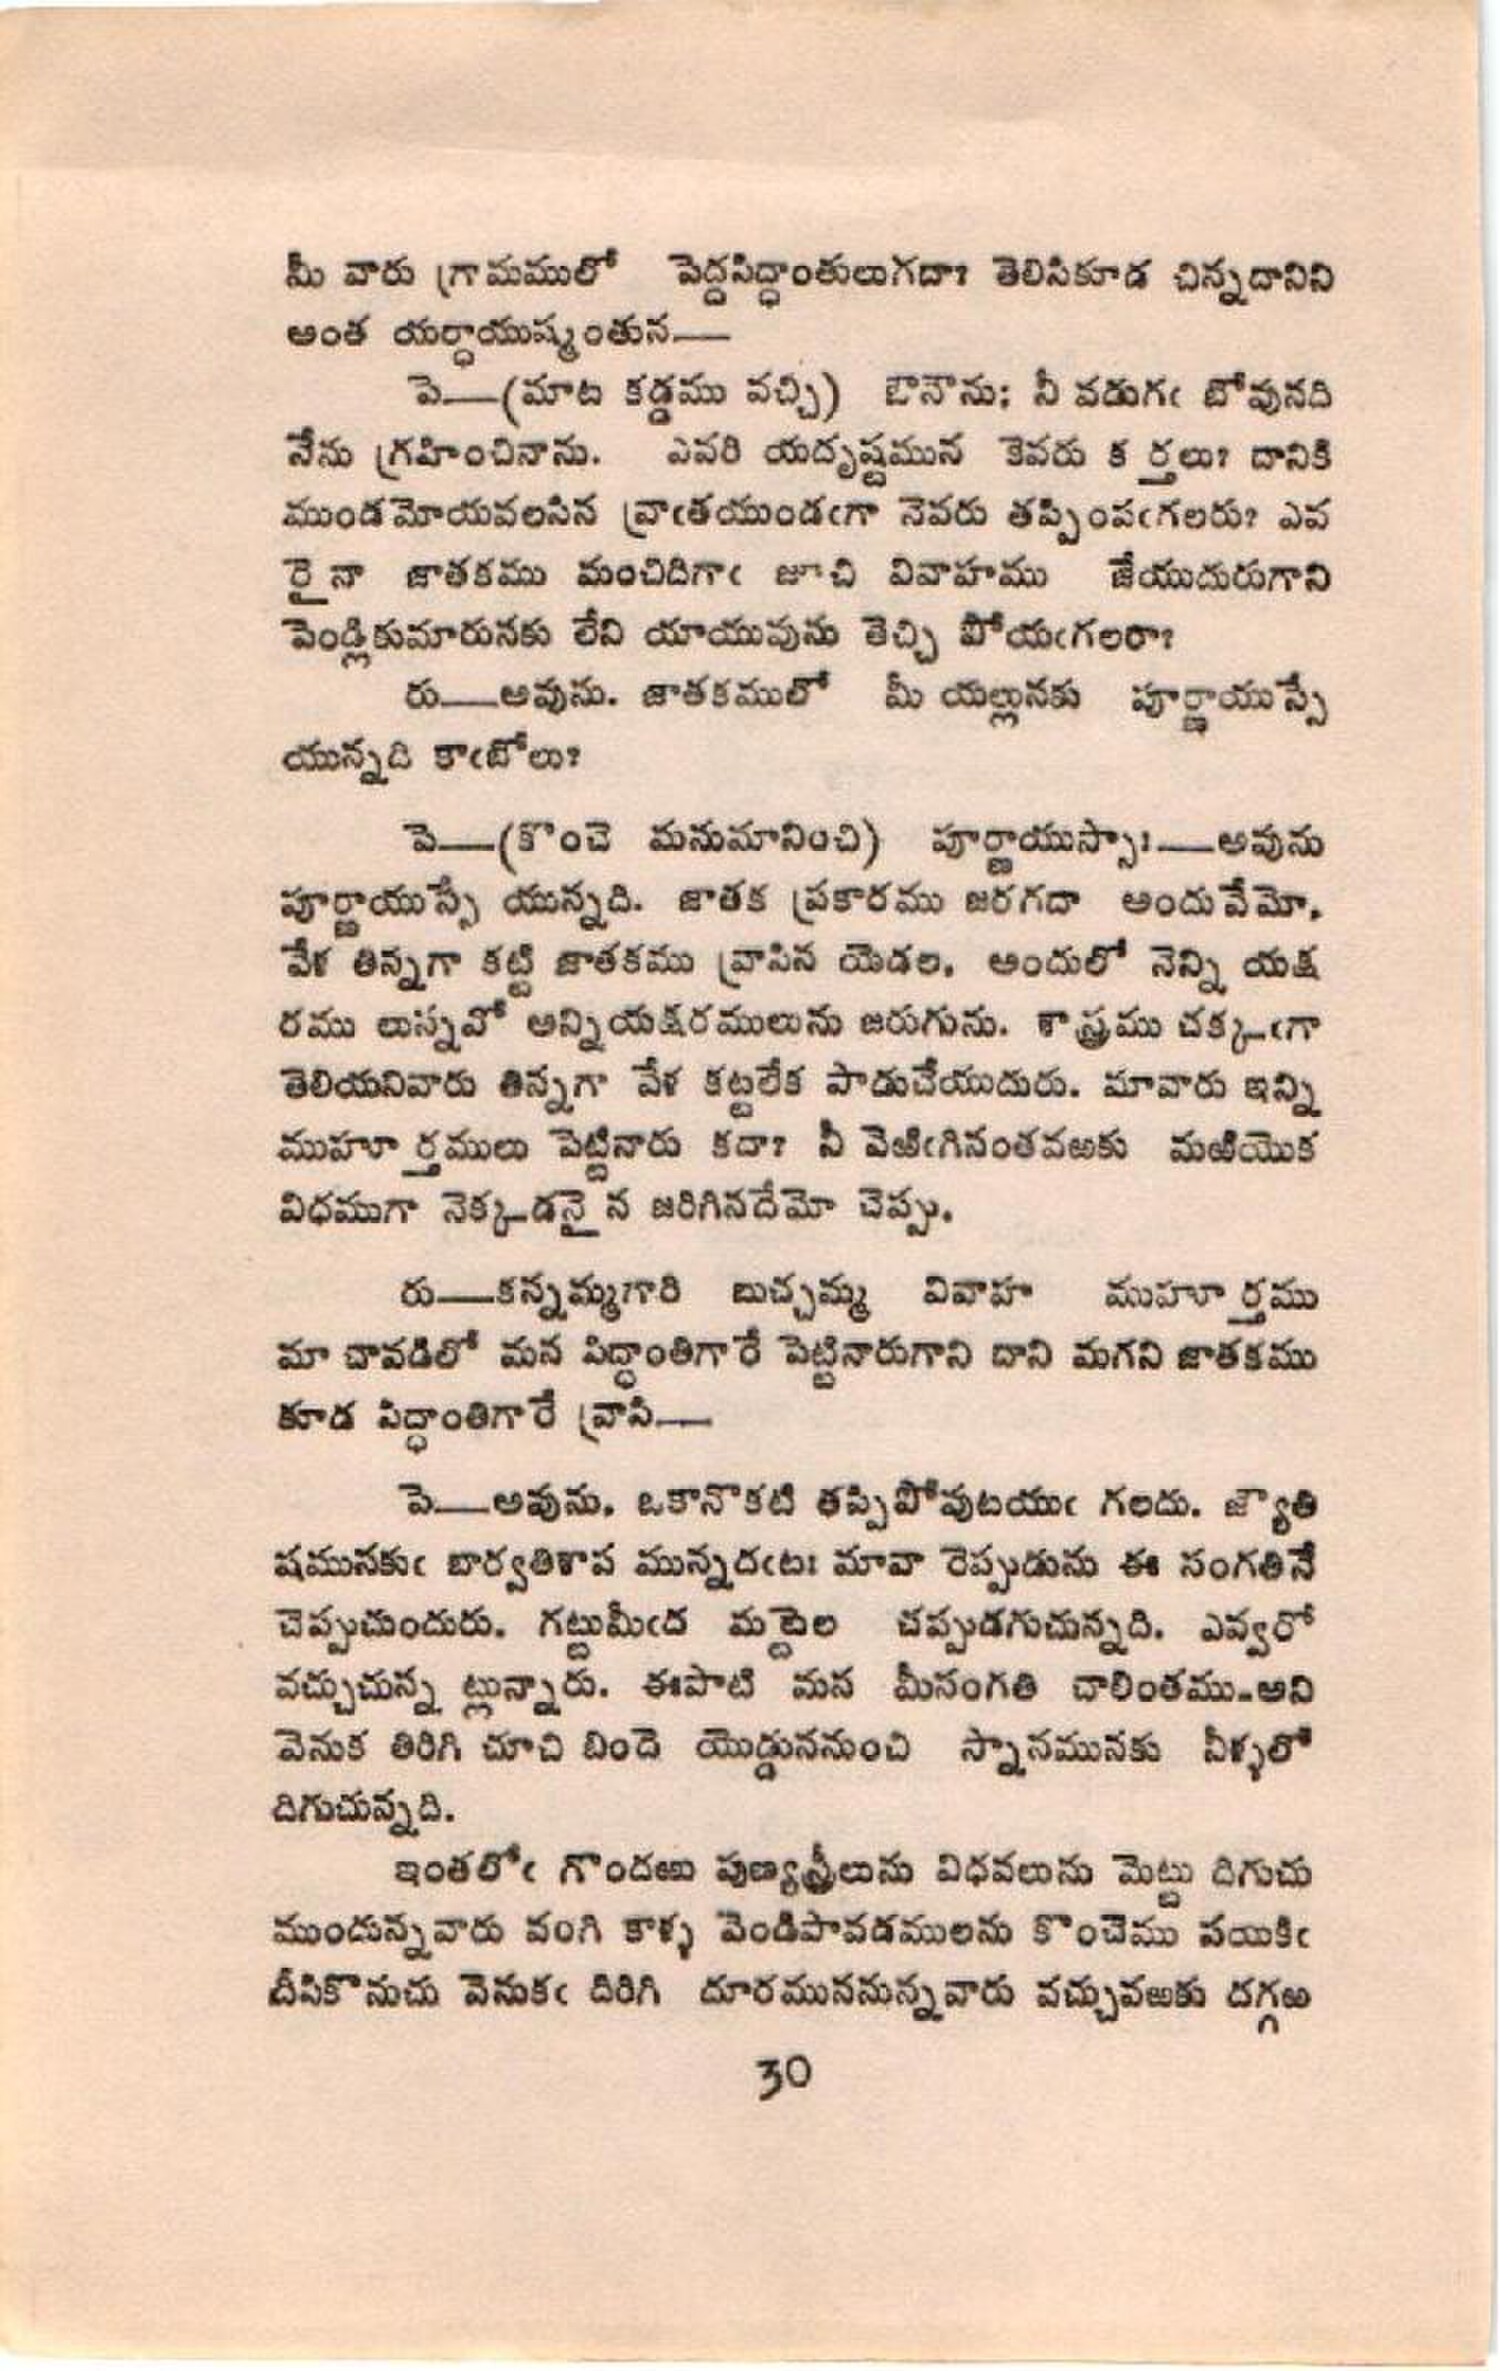మీ వారు గ్రామములో పెద్దసిద్ధాంతులుగదా? తెలిసికూడ చిన్నదానిని యర్ధాయుష్మంతున ____

పె__(మాట కడ్డము వచ్చి) ఔనౌను; నీ వడుగఁ బోవునది నేను గ్రహించినాను. ఎవరి యదృష్టమున కెవరు కర్తలు? దానికి ముండమోయవలసిన వ్రాఁతయుండఁగా నెవరు తప్పింపఁగలరు? ఎవ రైనా జాతకము మంచిదిగాఁ జూచి వివాహము జేయుదురుగాని పెండ్లికుమారునకు లేని యాయువును తెచ్చి పోయఁగలరా?

రు__అవును. జాతకములో మీ యల్లునకు పూర్ణాయుస్సే యున్నది కాఁబోలు?

పె__(కొంచె మనుమానించి) పూర్ణాయుస్సా-అవును పూర్ణాయుస్సే యున్నది. జాతక ప్రకారము జరగదా ఆందునేమో, వేళ తిన్నగా కట్టి జాతకము వ్రాసిన యెడల, ఆందులో నెన్ని యక్ష రము లున్నవో ఆన్నియక్షరములను జరుగును. శాస్త్రము చక్కగా తెలియనివారు తిన్నగా వేళ కట్టలేక పాడుచేయుదురు. మావారు ఇన్ని ముహూర్తములు పెట్టినారు కదా? నీ వెఱిగినంత వఱకు మఱియొక విధముగా నెక్కడనై న జరిగినదేమో చెప్పు,

రు__కన్నమ్మగారి బుచ్చమ్మ వివాహ ముహూర్తము మా చావడిలో మన సిద్ధాంతిగారే పెట్టినారుగాని దాని మగని జాతకము కూడ సిద్ధాంతిగారే వ్రాసి__

పె-అవును, ఒకానొకటి తప్పిపోవుటయు గలదు. జ్యౌతిషమునకుఁ బార్వతిశాప మున్నదఁట మావా రెప్పడును ఈసంగతినే చెప్పచుందురు. గట్టుమీఁద మట్టెల చప్పుడగుచున్నది. ఎవ్వరో వచ్చుచున్నట్లున్నారు. ఈపాటి మన మీసంగతి చాలింతము.అని వెనుక తిరిగి చూచి బిందె యొడ్డుననుంచి స్నానమునకు నీళ్ళలో దిగుచున్నది.

ఇంతలోఁ గొందఱు పుణ్యస్త్రీలను విధవలును మెట్టు దిగుచు ముందున్నవారు వంగి కాళ్ళ వెండిపావడములను కొంచెము పయికి దీసికొనుచు వెనుక దిరిగి దూరముననున్నవారు వచ్చువఱకు దగ్గఱ